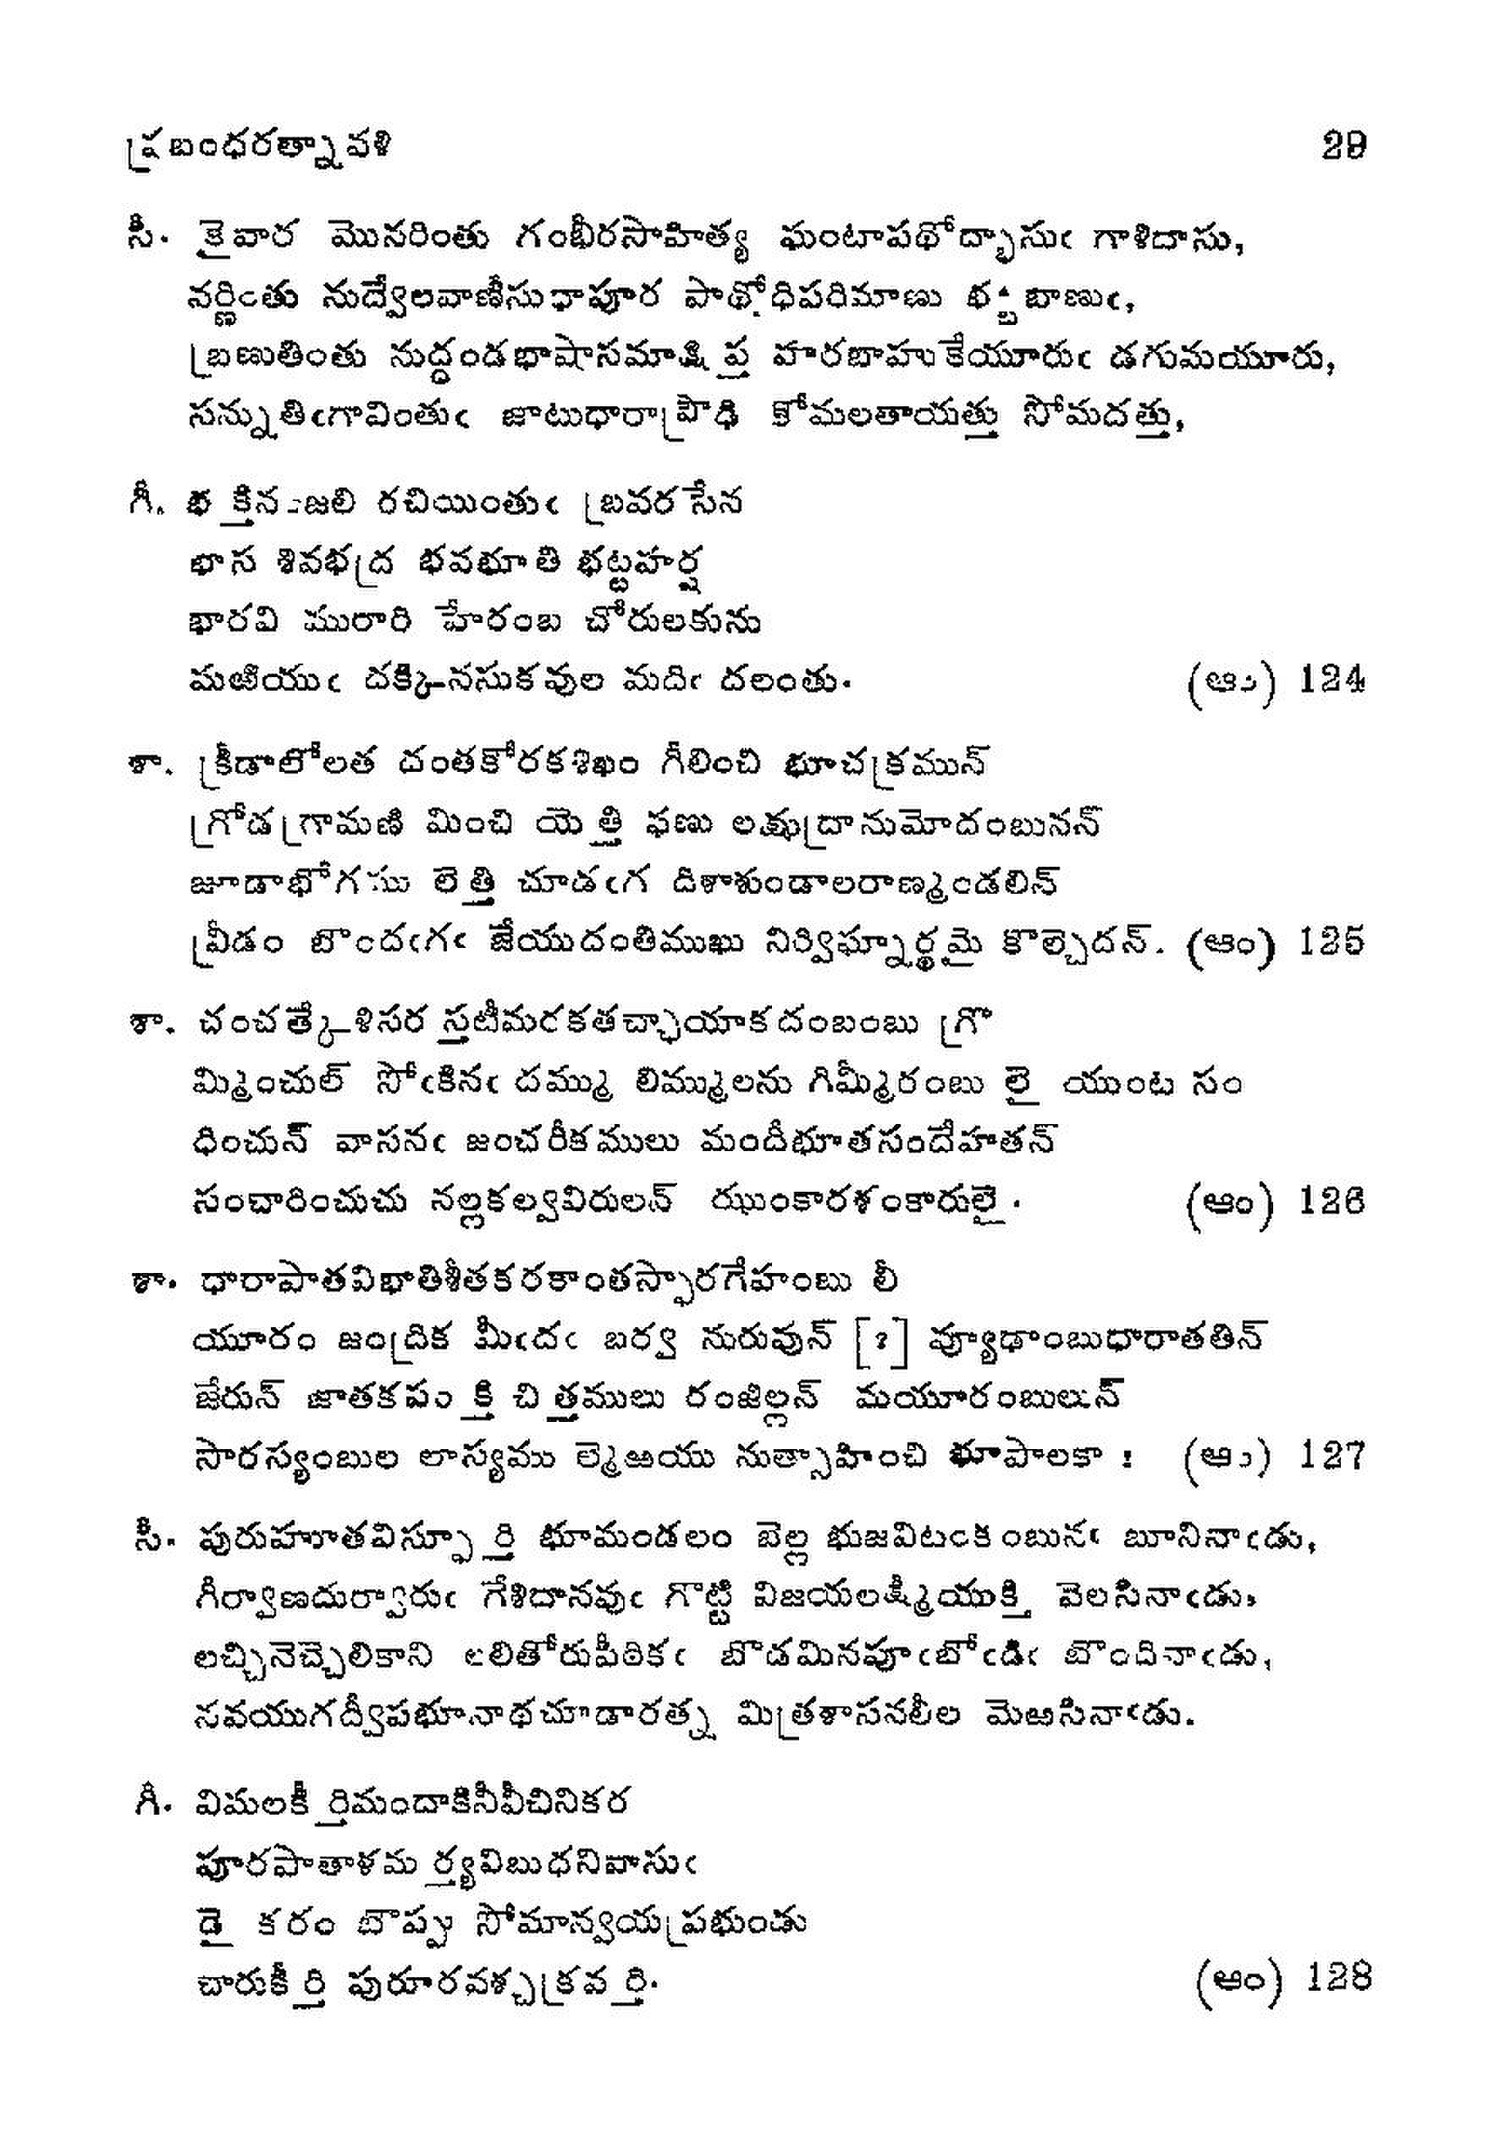సీ. కైవార మొనరింతు గంభీరసాహిత్య ఘంటాపథోద్భాసుఁ గాళిదాసు
వర్ణింతు నుజ్జ్వలవాణీసుధాపూర పాథోధిపరిబాణు భట్టబాణుఁ
బ్రణుతింతు నుద్దండభాషాసమాక్షిప్త హరబాహుకేయూరుఁ డగు మయూరు
సన్నుతిఁ గావింతుఁ జాటుధారాప్రౌఢి కోమలతాయత్తు సోమదత్తు
గీ. భక్తి నంజలి రచియింతుఁ బ్రవరసేన
భాస శివభద్ర భవభూతి భట్టహర్ష
భారవి మురారి హేరంబ చోరులకును
మఱియుఁ దక్కిన సుకవుల మదిఁ దలంతు. (ఆం) 124

శా. క్రీడాలోలత దంతకోరకశిఖిం గీలించి భూచక్రమున్
గ్రోడగ్రామణి మించి యెత్తి ఫణు లక్షుద్రానుమోదంబునన్
జూడాభోగము లెత్తి చూడఁగ దిశాశుండాలరాణ్మండలిన్
వ్రీడం బొందఁగఁజేయు దంతిముఖు నిర్విఘ్నార్థమై కొల్చెదన్. (ఆం) 125

శా. చంచత్కేళిసరస్తటీమరకతచ్ఛాయాకదంబంబు గ్రొ
మ్మించు ల్సోఁకినఁ దమ్ము లిమ్ములను గిమ్మీరంబులై యుంట సం
ధించు న్వాసనఁ జంచరీకములు మందీభూతసందేహతన్
సంచారించుచు నల్లకల్వవిరుల్ ఝంకారశంకారులై. (ఆం) 126

శా. ధారాపాతవిభాతి శీతకరకాంతస్ఫారగేహంబు లీ
యూరం జంద్రికమీఁదఁ బర్వనురువున్[?] వ్యూఢాంబుధారాతతిన్
జేరున్ జాతకపంక్తి చిత్తములు రంజిల్లన్ మయూరంబులున్
సారస్యంబుల లాస్యము ల్మెఱయు నుత్సాహించి భూపాలకా! (ఆం) 127

సీ. పురుహూతవిస్ఫూర్తి భూమండలంబెల్ల భుజవిటంకంబునఁ బూనినాఁడు
గీర్వాణదుర్వారుఁ గేశిదానవుఁగొట్టి విజయలక్ష్మీయుక్తి వెలసినాఁడు
లచ్చినెచ్చెలికాని లలితోరుపీఠికఁ బొడమిన పూఁబోడిఁ బొందినాఁడు
నవయుగద్వీప భూనాథచూడారత్న మిత్రశాసనలీల మెఱసినాఁడు
గీ. విమలకీర్తిమందాకినీ వీచినికర
పూరపాతాళ మర్త్యవిబుధనివాసుఁ
డై కరంబొప్ప సోమాన్వయప్రభుండు
చారుకీర్తి పురూరవశ్చక్రవర్తి. (ఆం) 128